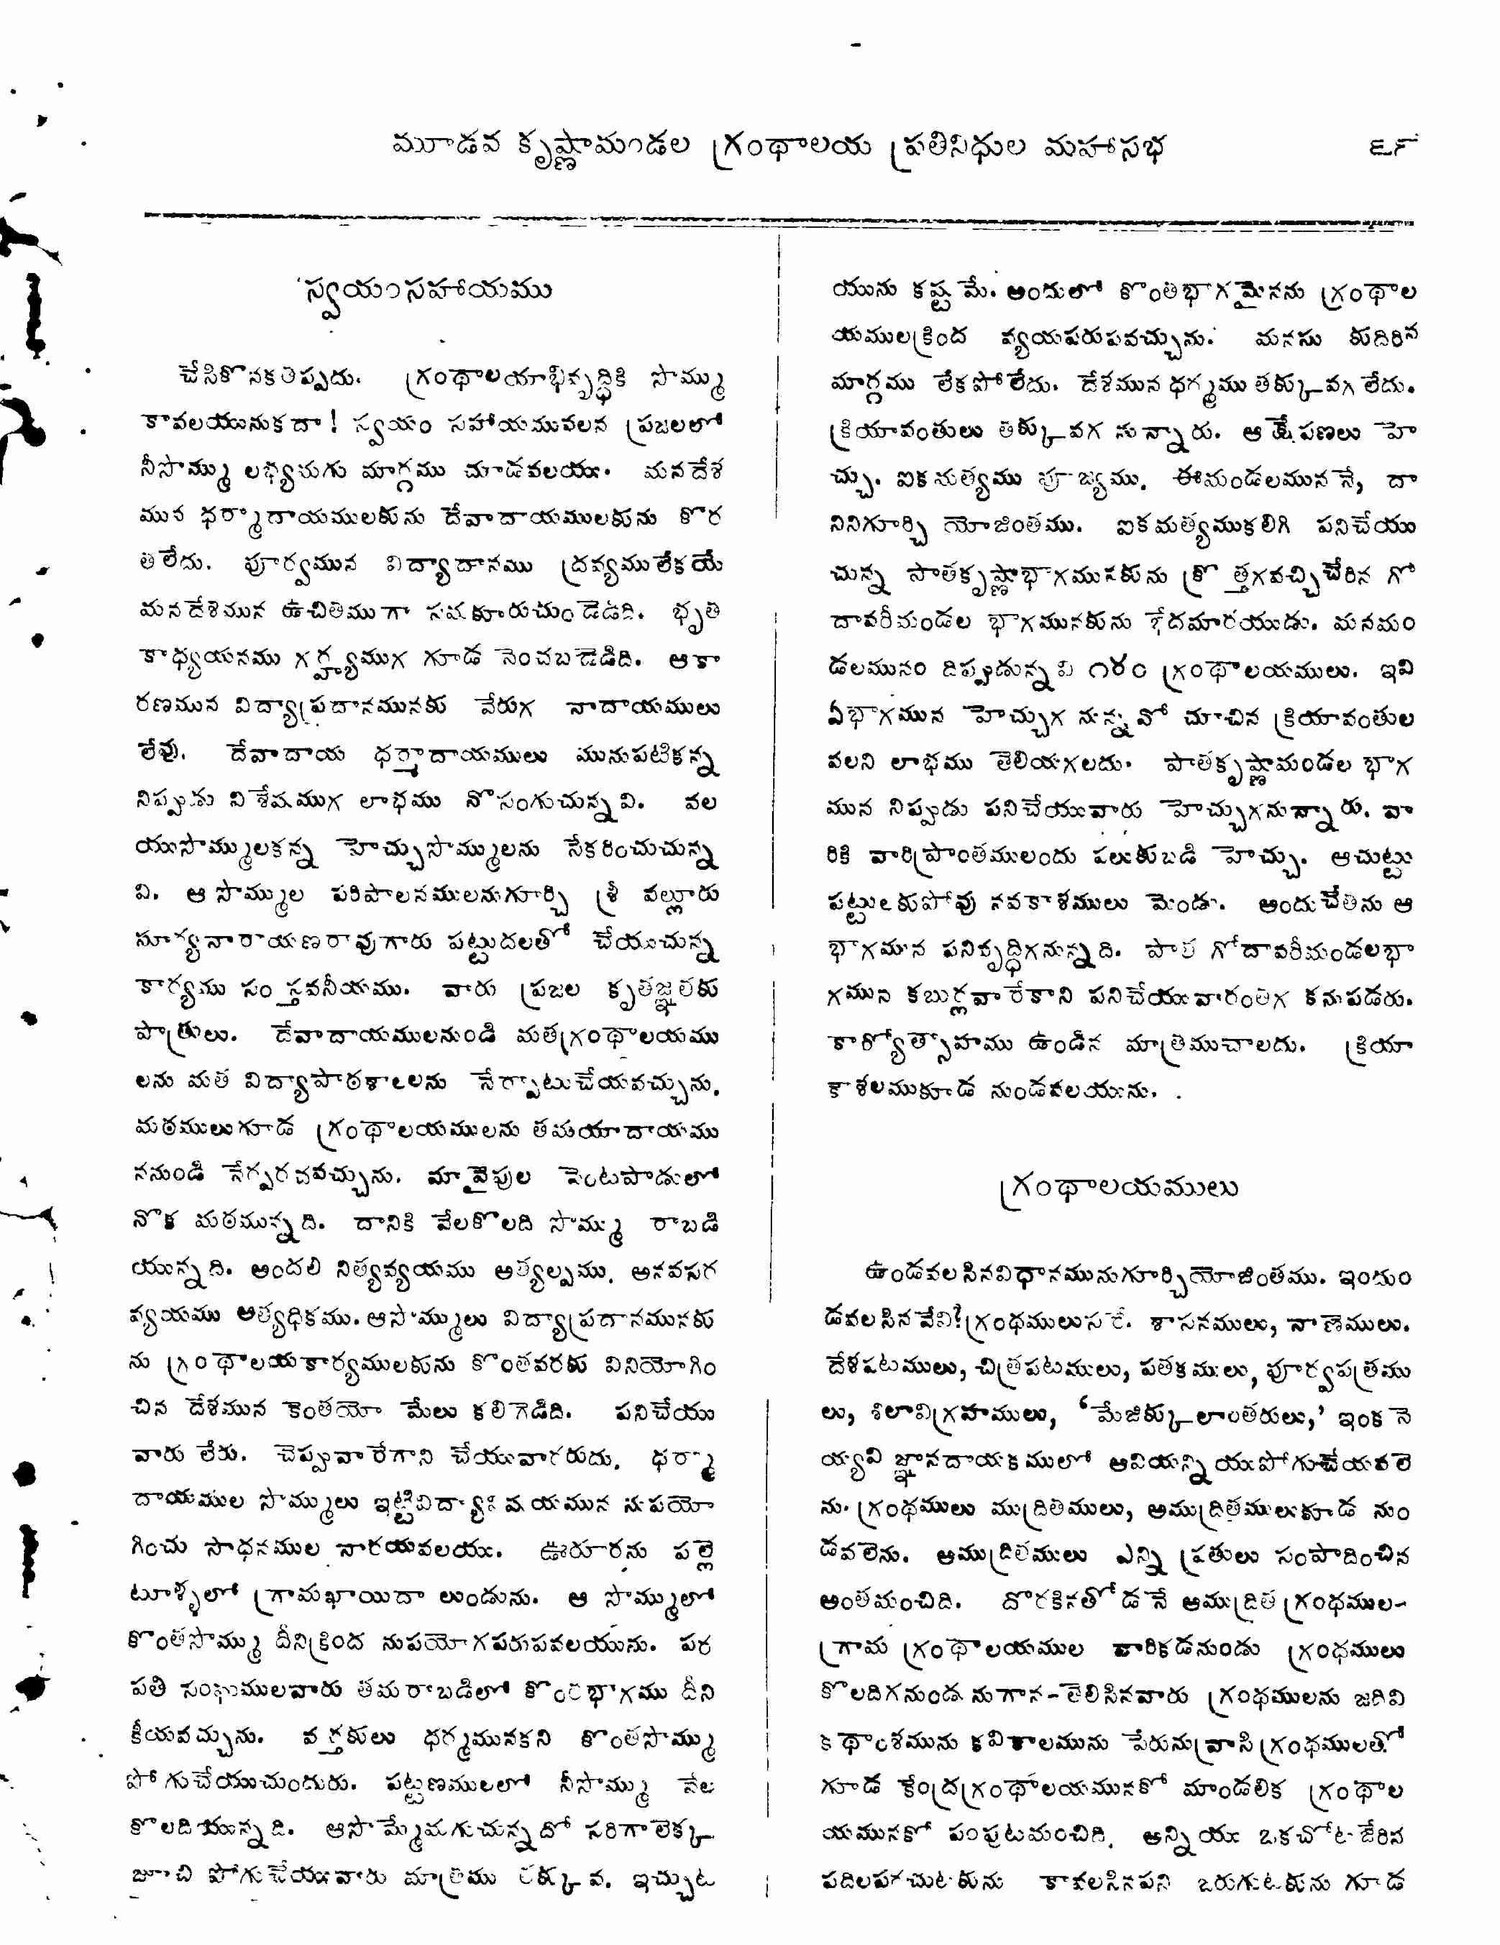చేసికొనక తిప్పదు. గ్రంథాలయాభివృద్ధికి సొమ్ము కావలయునుకదా! స్వయం సహాయమువలన ప్రజలలో నీసొమ్ము లభ్యమగు మార్గము చూడవలయు. మనదేశమున ధర్మాదాయములకును దేవాదాయములకును కొరతిలేదు. పూర్వమున విద్యాదానము ద్రవ్యములేకయే మనదేశమున ఉచితముగా సమకూరుచుండెడిది. భృతికాధ్యయనము గర్హ్యముగ గూడ నెంచబడెడిది. ఆకారణమున విద్యాప్రదానమునకు వేరుగ నాదాయములు లేవు. దేవాదాయ ధర్మాదాయములు మునుపటికన్ననిప్పుడు విశేషముగ లాభము నొసంగుచున్నవి. వలయుసొమ్ములకన్న హెచ్చుసొమ్ములను సేకరించుచున్నవి. ఆ సొమ్ముల పరిపాలనములను గూర్చి శ్రీ వల్లూరు
సూర్యనారాయణరావుగారు పట్టుదలతో చేయుచున్న కార్యము సంస్తవనీయము. వారు ప్రజల కృతజ్ఞతకు పాత్రులు. దేవాదాయముల నుండి మతగ్రంథాలయములను మత విద్యాపాఠశాలలను నేర్పాటు చేయవచ్చును. మఠములుగూడ గ్రంథాలయములను తమయాదాయము ననుండి నేర్పరచవచ్చును. మా వైపుల పెంటపాడులో నొక మఠమున్నది. దానికి వేలకొలది సొమ్ము రాబడి
యున్నది. అందలి నిత్యవ్యయము అత్యల్పము, అనవసరవ్యయము అత్యధికము. ఆసొమ్ములు విద్యాప్రదానమునకును గ్రంథాలయ కార్యములకును కొంతవరకు వినియోగించిన దేశమున కెంతయో మేలు కలిగెడిది. పనిచేయువారు లేరు. చెప్పువారేగాని చేయువారరుదు. ధర్మాదాయముల సొమ్ములు ఇట్టివిద్యవిషయమున నుపయోగించు సాధనముల నారయవలయు. ఊరూరను పల్లె
టూళ్ళలో గ్రామఖాయిదా లుండును. ఆ సొమ్ములో కొంత సొమ్ము దీని క్రింద నుపయోగ పరుపవలయును. పరపతి ఘములవారు తమరాబడిలో కొంత భాగము దీని కీయవచ్చును. వర్తకులు ధర్మమునకని కొంతసొమ్ము పోగుచేయుచుందురు. పట్టణములలో నీసొమ్ము వేల కొలదియున్నది. ఆ సొమ్మేమగుచున్నదో సరిగా లెక్కజూచి పోగుచేయువారు మాత్రము తక్కువ. ఇచ్చుట
యును కష్టమే. అందులో కొంతభాగమైనను గ్రంథాలయములక్రింద వ్యయపరుపవచ్చును. మనసు కుదిరిన మార్గము లేకపోలేదు. దేశమున ధర్మము తక్కువ లేదు. క్రియావంతులు తక్కువగ నున్నారు. ఆక్షేపణలు హెచ్చు. ఐకమత్యము పూజ్యము. ఈ మండలముననే, దానినిగూర్చి యోజింతము. ఐకమత్యముకలిగి పనిచేయుచున్న పాతకృష్ణాభాగమునకును క్రొత్తగ వచ్చిచేరిన 
గోదావరీమండల భాగమునకును భేదమారయుడు. మనమండలమునం దిప్పుడున్నవి ౧౪౦ గ్రంథాలయములు. ఇవి
ఏభాగమున హెచ్చుగ నున్ననో చూచిన క్రియావంతుల వలని లాభము తెలియగలదు. పాతకృష్ణామండల భాగమున నిప్పుడు పనిచేయువారు హెచ్చుగనున్నారు. వారికీ వారిప్రాంతములందు పలుకుబడి హెచ్చు. ఆ చుట్టుపట్టులకుపోవు నవకాశములు మెండు. అందుచేతను ఆ భాగమున పనివృద్ధిగనున్నది. పాక గోదావరీ మండలభాగముని కబుర్లవారేకాని పనిచేయువారంతెగ కనుపడరు. కార్యోత్సాహము ఉండిన మాత్రముచాలదు. క్రియా కౌశలముకూడ నుండవలయును.

ఉండవలసినవిధానమునుగూర్చియోజింతము. ఇందుండవలసిన వేవి? గ్రంధములు సరే. శాసనములు, నాణెములు,
దేశపటములు, చిత్రపటములు, పతకములు, పూర్వపత్రములు, శిలావిగ్రహములు, 'మేజిక్కులాంతరులు,' ఇంక నెయ్యవి జ్ఞానదాయకములో ఆవియన్నియు పోగుచేయవలెను. గ్రంథములు ముద్రిలిములు, అముద్రితములుకూడ నుండవలెను. ఆముద్రితములు ఎన్ని ప్రతులు సంపాదించిన అంతమంచిది. దొరకినతోడనే అముద్రిత గ్రంథముల - గ్రామ గ్రంథాలయముల వారికడనుండు గ్రంధములు కొలదిగనుండు నుగాన - తెలిసినవారు గ్రంథములను జదివి కథాంశమును కవిశాలమును పేరును వ్రాసి గ్రంథములతో గూడ కేంద్రగ్రంథాలయమునకో మాండలిక గ్రంథాలయమునకో పంపుటమంచిది. అన్నియఁ ఒక చోట జేరిన
పదిచుటకును కావలసినపని జరుగుటకును గూడ